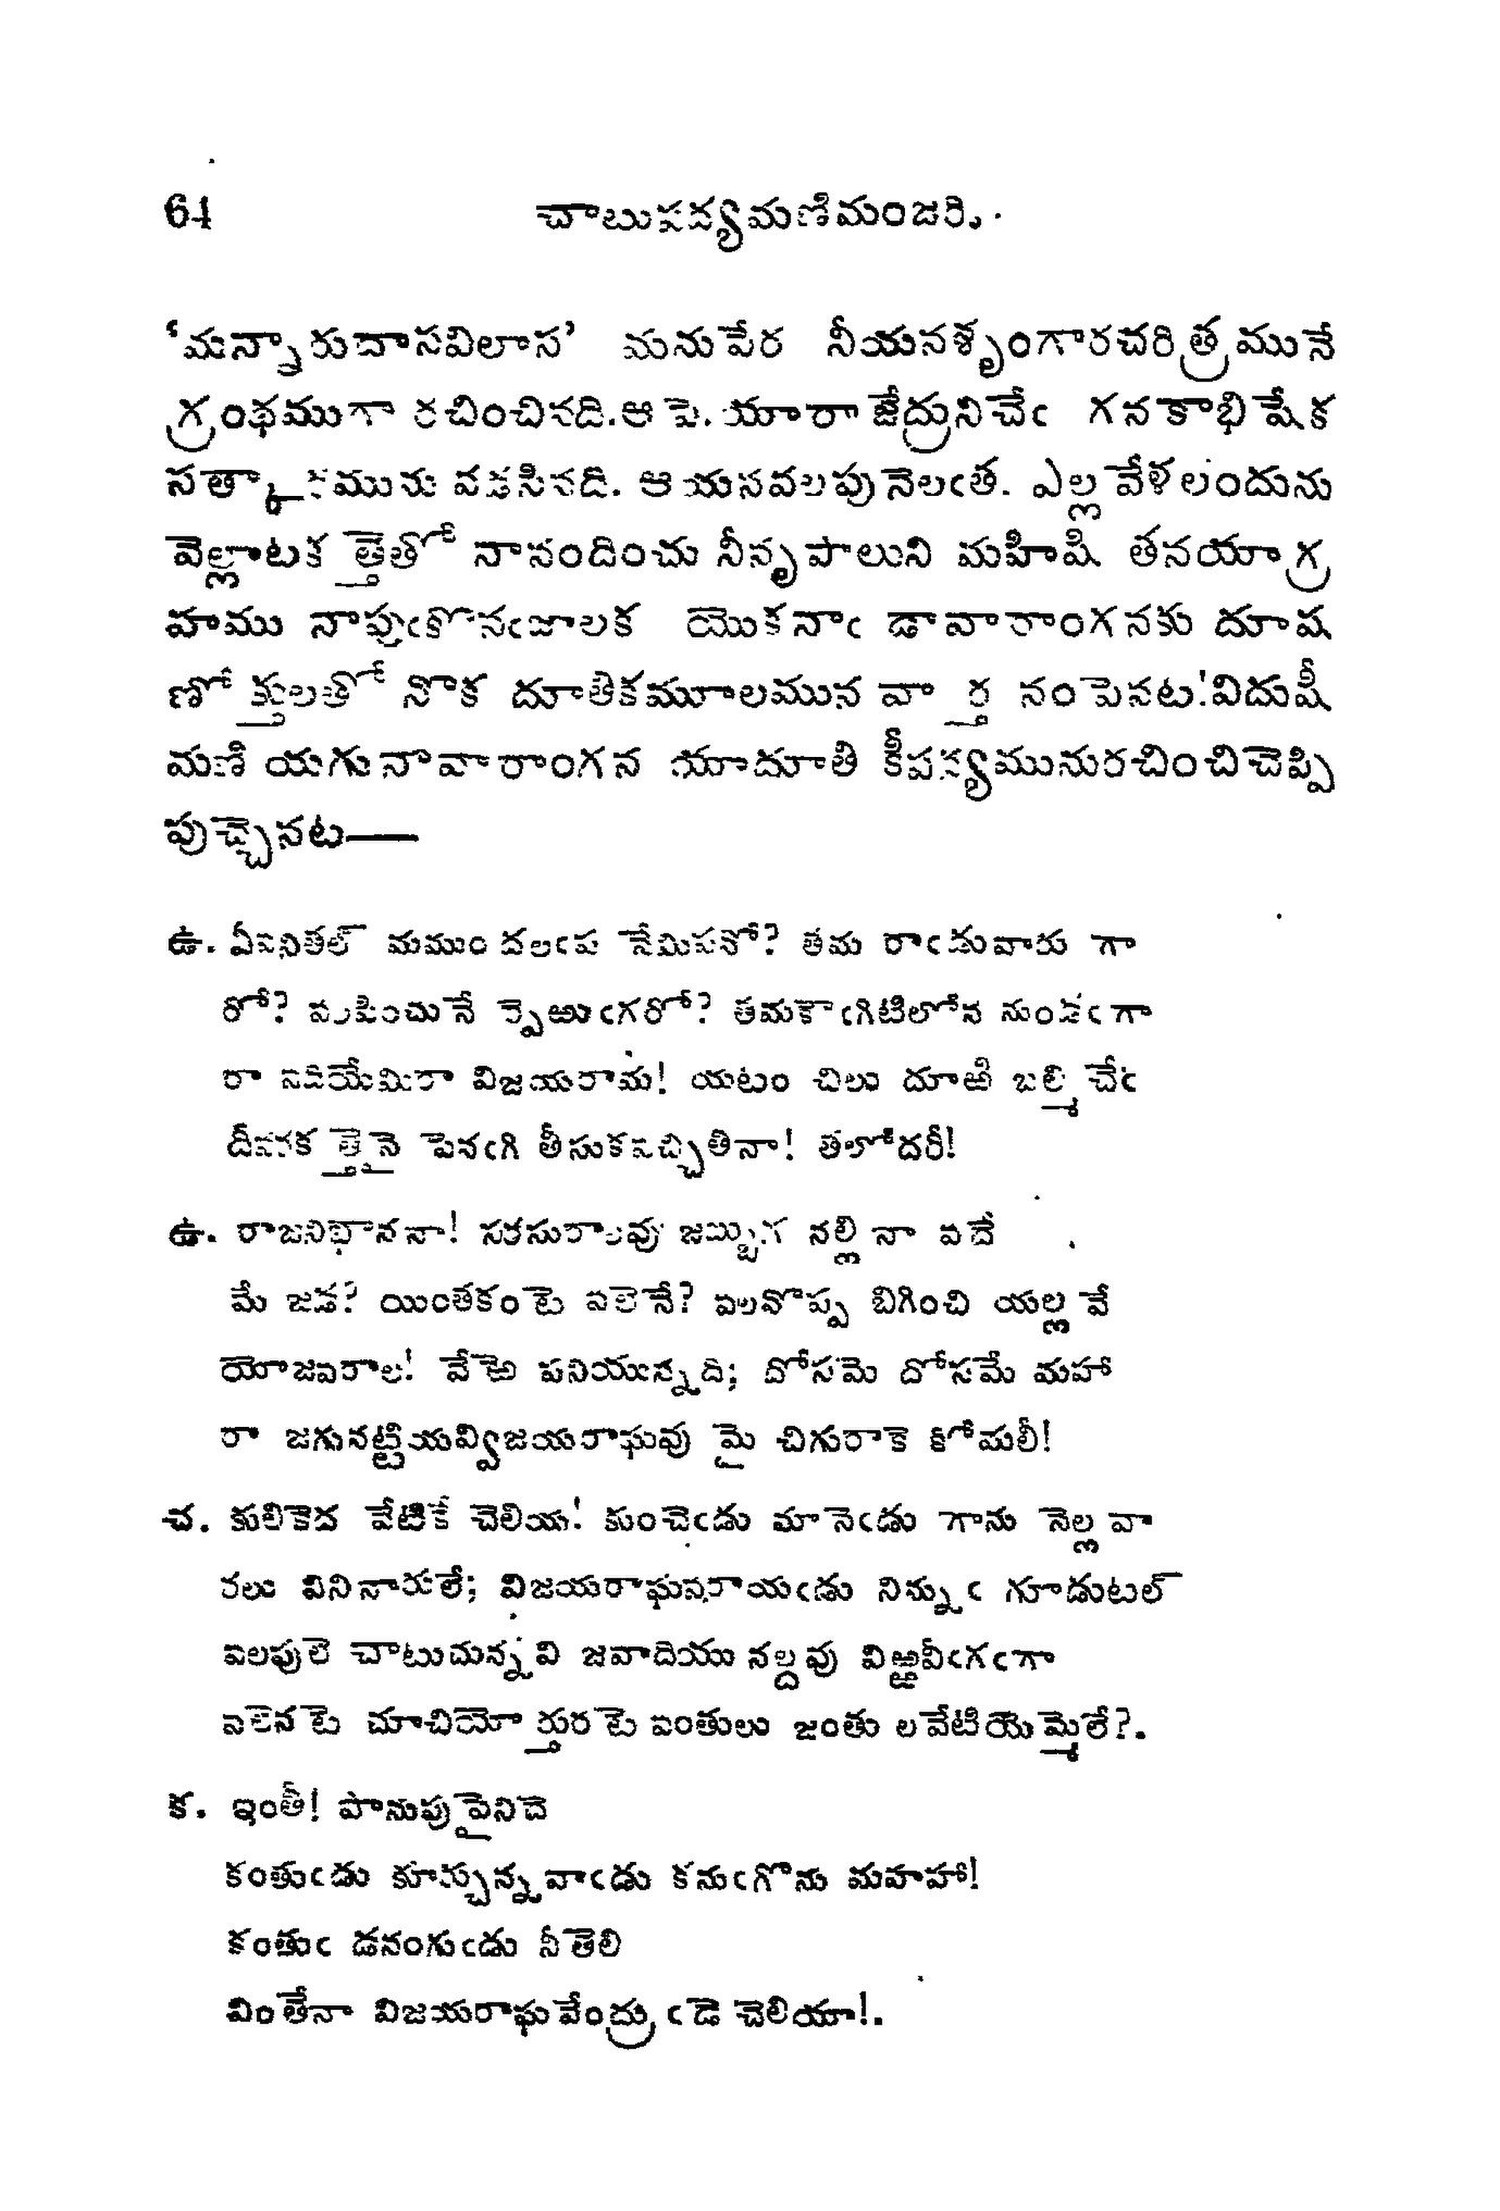‘మన్నారుదాసవిలాస’ మనుపేర నీయన శృంగారచరిత్రమునే గ్రంథముగా రచించినది. ఆపె యారాజేంద్రునిచేఁ గనకాభిషేకసత్కారమును వడసినది. ఆయనవలపునెలఁత. ఎల్లవేళలయందును వెల్లాటకత్తెతో నానందించు నీనృపాలుని మహిషి తనయాగ్రహము నాపుకొనఁజాలక యొకనాఁ డావారాంగనకు దూషణోక్తులతో నొకదూతికమూలమున వార్త నంపె నఁట! విదుషీమణి యగునావారాంగన యాదూతి కీపద్యమును రచించి చెప్పి పుచ్చెనఁట—
ఉ. ఏవనితల్ మముం దలఁప నేమిపనో? తమ రాఁడువారు గా
 రో? వలపించునే ర్పెఱుఁగరో? తమకౌఁగిటిలోన నుండఁగా
 రా వదియేమిరా విజయరామ! యటం చిలు దూఱి బల్మిచేఁ
 దీవరకత్తెనై పెనఁగి తీసుకవచ్చితినా తలోదరీ!
ఉ. రాజనిభాననా! సరసురాలవు జబ్బుగ నల్లినా వదే
 మే జడ? యింతకంటె వలెనే? వలనొప్ప బిగించి యల్లవే
 యోజవరాల వేఱె పనియున్నది; దోసమె దోసమే మహా
 రా జగునట్టి యవ్విజయరాఘవు మై చిగురాకె కోమలీ!
చ. కులికెద వేటికే చెలియ! కుంచెఁడు మానెఁడు గాను నెల్లవా
 రలు వినినారులే; విజయరాఘవరాయఁడు నిన్నుఁ గూడుటల్
 వలపులె చాటుచున్నవి జవాదియు నల్దవు విఱ్ఱవీఁగఁగా
 వలెనటె చూచియోర్తురటె వంతులు జంతు లవేటియెమ్మెలే?
క. ఇంతీ! పానుపుపైనిదె
 కంతుఁడు కూర్చున్నవాఁడు కనుఁగొను మహహా!
 కంతుఁ డనంగుఁడు నీతెలి
 వింతేనా విజయరాఘవేంద్రుఁడె చెలియా!